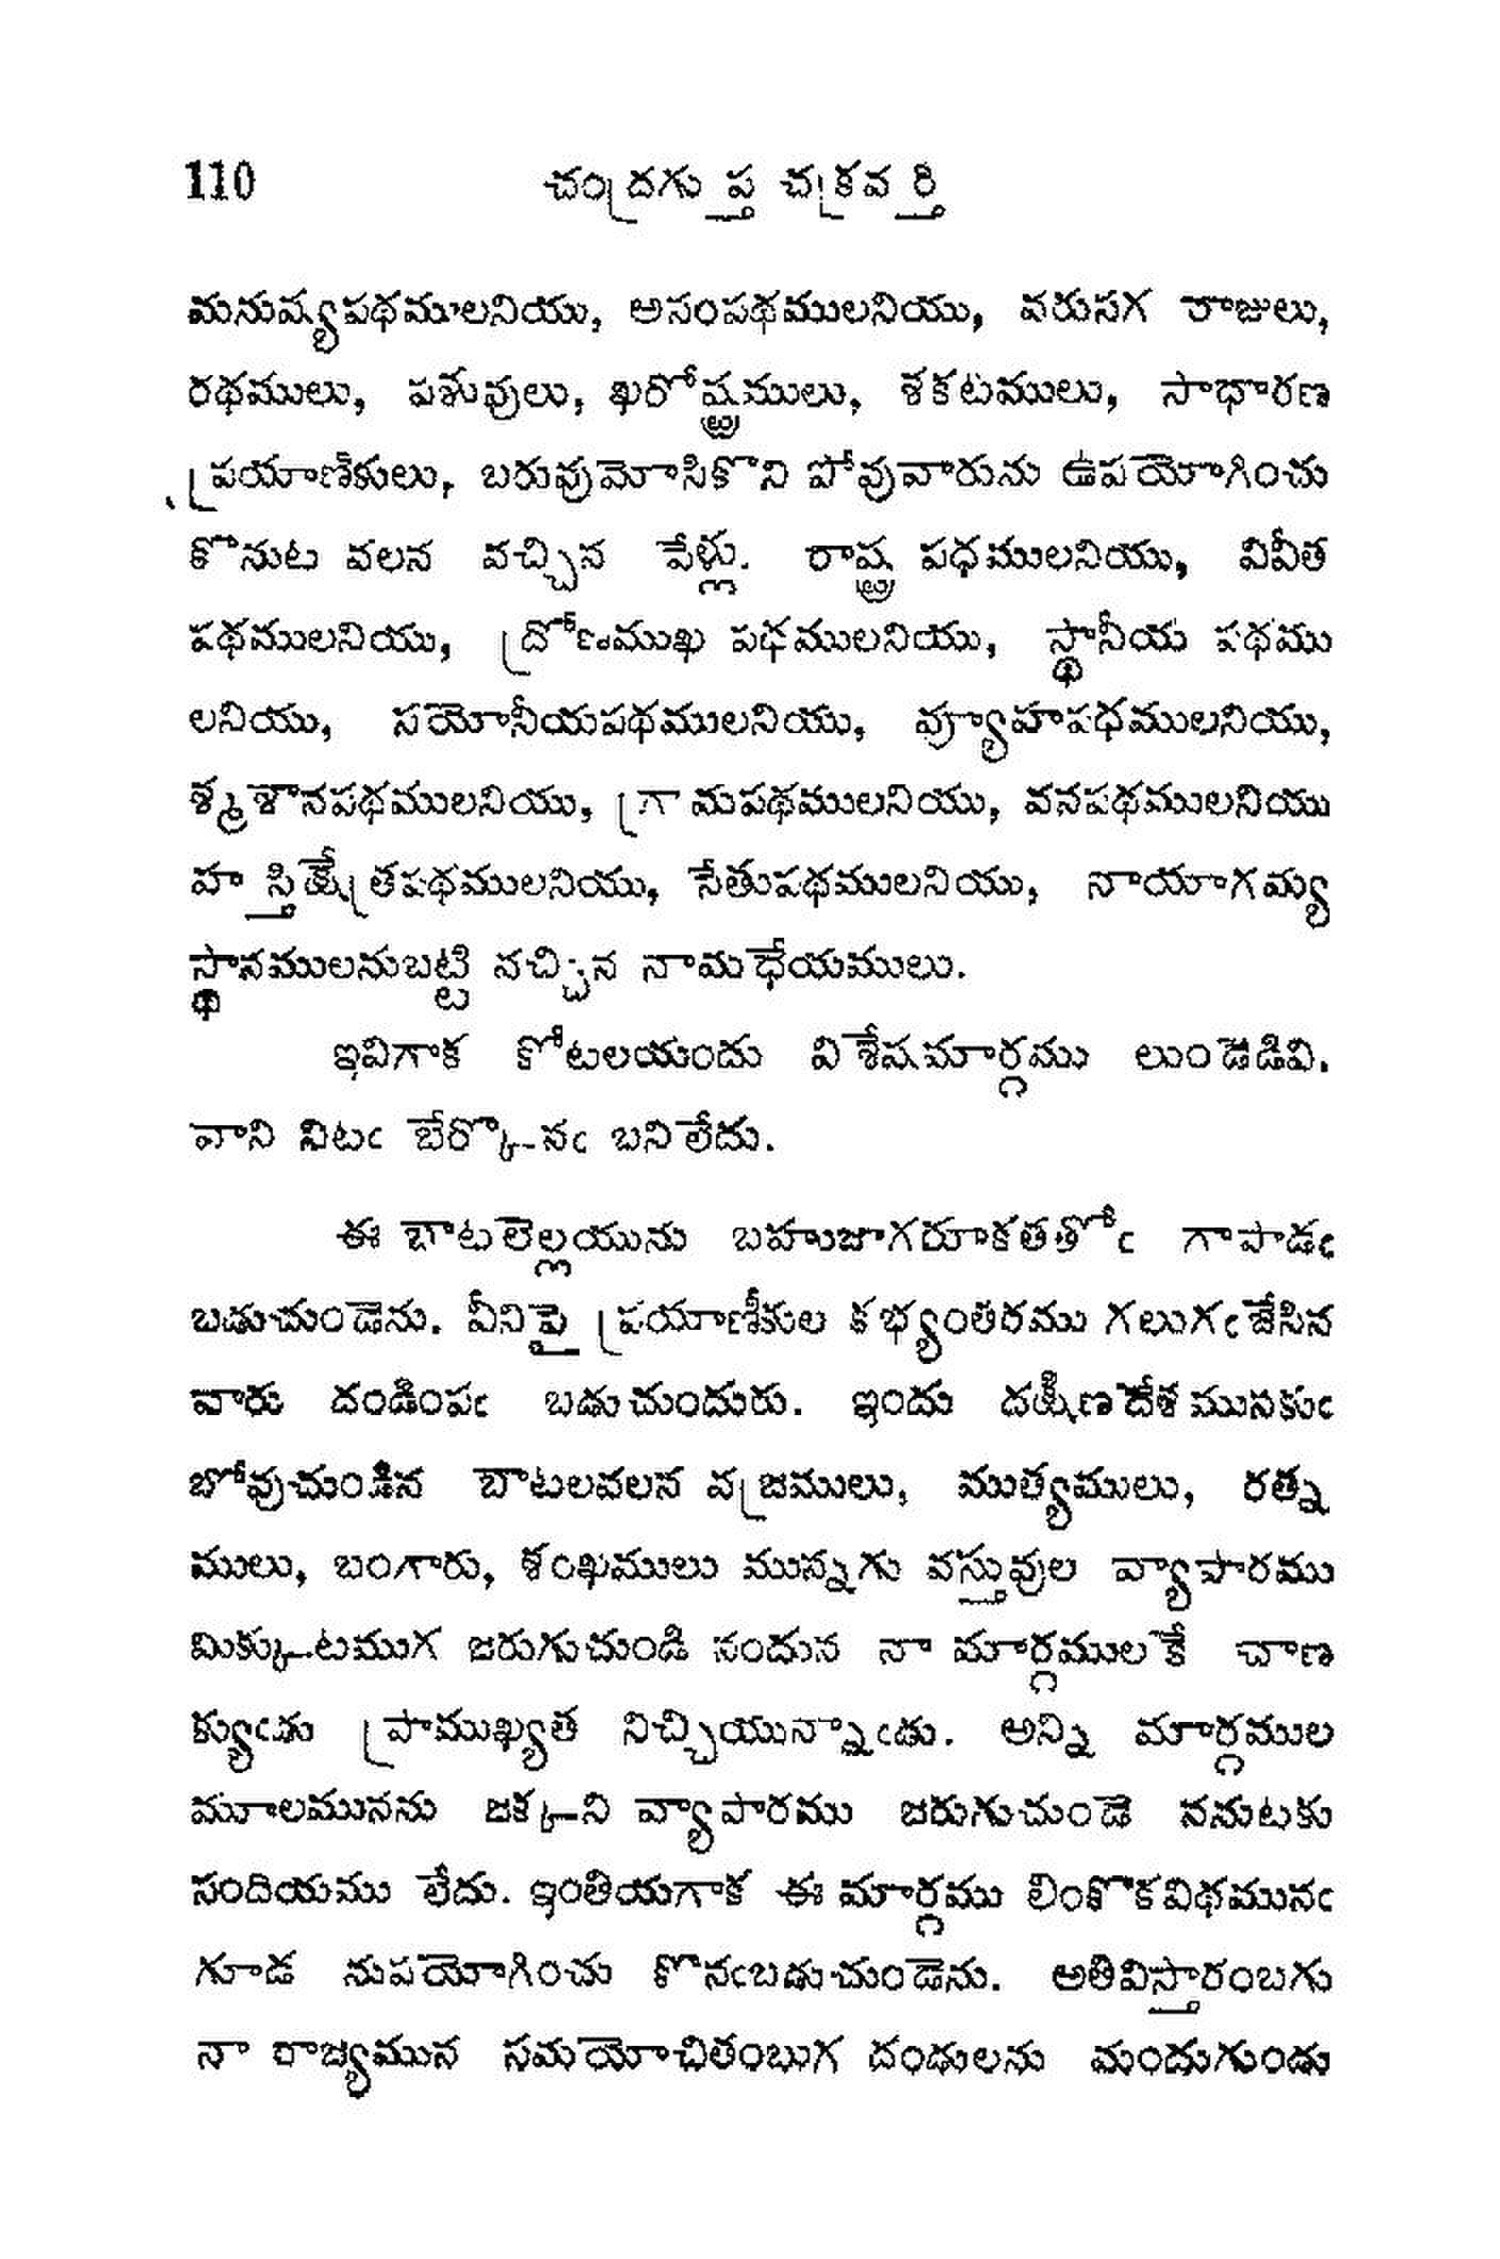మనుష్యపథములనియు, అసంపథములనియు, వరుసగ రాజులు, రథములు, పశువులు, ఖరోష్ట్రములు, శకటములు, సాధారణ ప్రయాణీకులు, బరువు మోసికొని పోవువారును ఉపయోగించు కొనుట వలన వచ్చిన పేళ్లు. రాష్ట్ర పధములనియు, వివీత పథములనియు, ద్రోణుముఖ పథములనియు, స్థానీయ షథములనియు, సయోనీయపథములనియు, వ్యూహపధములనియు, శ్మశానపథములనియు, గ్రామపథములనియు, వనపథములనియు హస్తిక్షేత్రషథములనియు, సేతుపథములనియు, నాయాగమ్య స్థానములనుబట్టి వచ్చిన నామధేయములు.

ఇవిగాక కోటలయందు విశేషమార్గము లుండెడివి. వాని నిటఁ బేర్కొనఁ బని లేదు.

ఈ బాటలెల్లయును బహుజాగరూకతతో గాపాడఁ బడుచుండెను. వీనిపై ప్రయాణీకుల కభ్యంతరము గలుగఁ జేసిన వారు దండింపఁ బడుచుందురు. ఇందు దక్షిణదేశమునకుఁ బోవుచుండిన బాటలవలన వజ్రములు, ముత్యములు, రత్నములు, బంగారు, శంఖములు మున్నగు వస్తువుల వ్యాపారము మిక్కుటముగ జరుగుచుండి నందున నా మార్గములకే చాణక్యుఁడు ప్రాముఖ్యత నిచ్చియున్నాఁడు. అన్ని మార్గముల మూలమునను జక్కని వ్యాపారము జరుగుచుండె ననుటకు సందియము లేదు. ఇంతియగాక ఈ మార్గము లింకొకవిథమునఁ గూడ నుపయోగించు కొనఁబడుచుండెను. అతివిస్తారంబగు నా రాజ్యమున సమయోచితంబుగ దండులను మందుగుండు